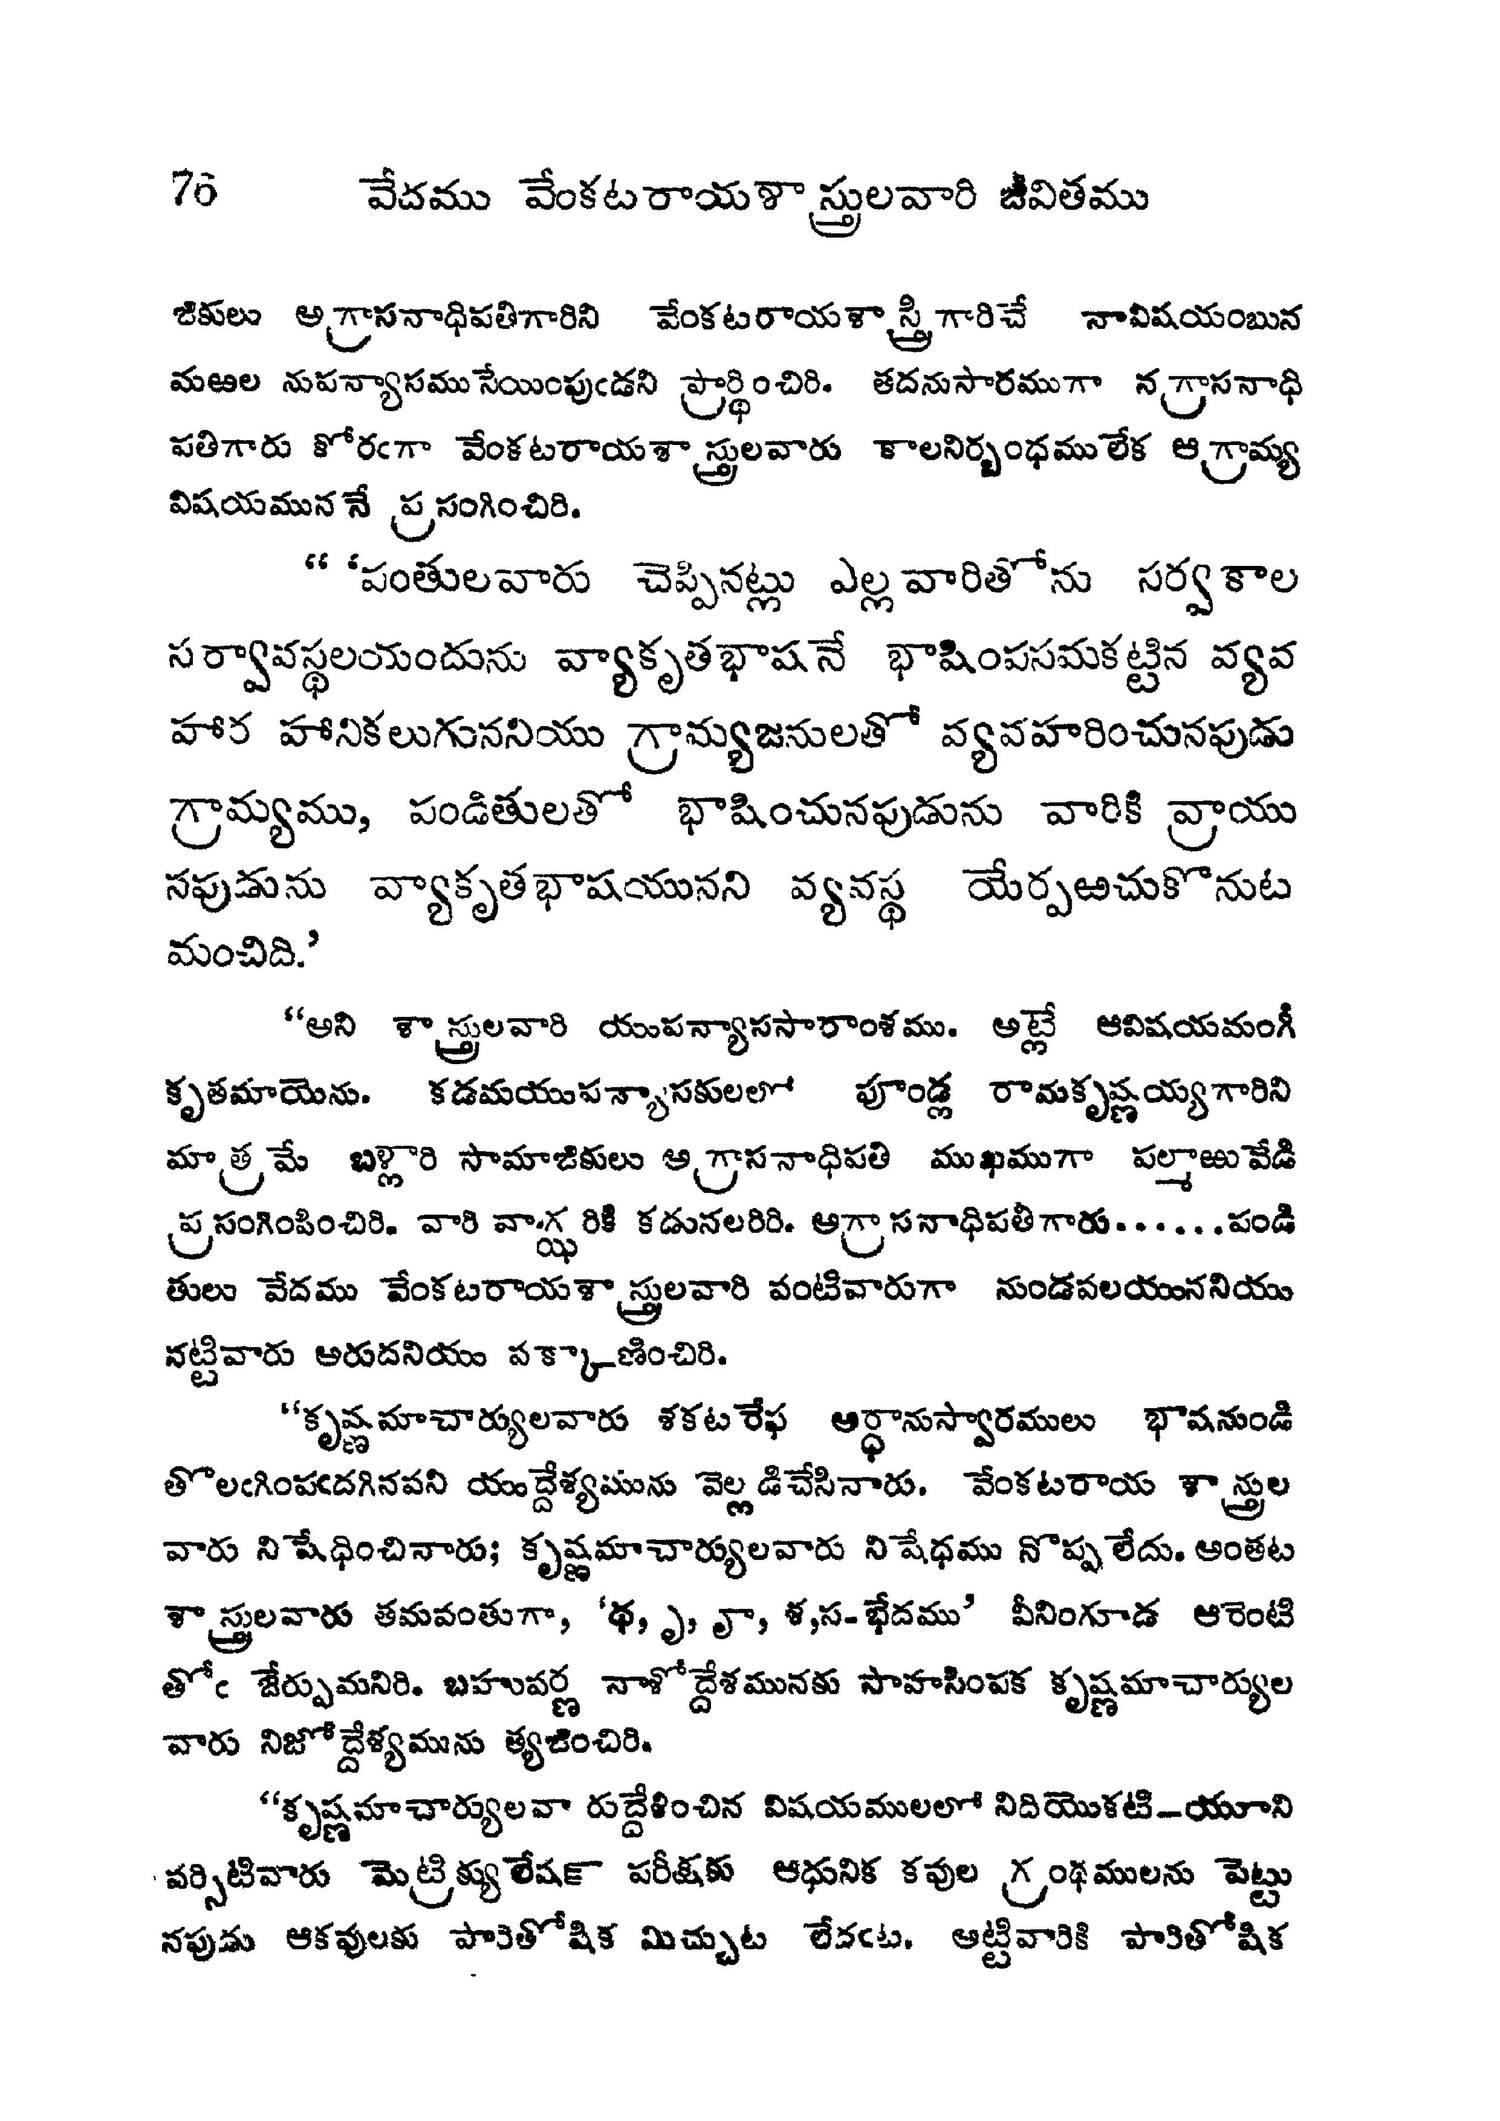జికులు అగ్రాసనాధిపతిగారిని వేంకటరాయశాస్త్రిగారిచే నావిషయంబున మఱల నుపన్యాసముసేయింపుడని ప్రార్థించిరి. తదనుసారముగా నగ్రాసనాధిపతిగారు కోరగా వేంకటరాయశాస్త్రులవారు కాలనిర్బంధములేక అగ్రామ్య విషయముననే ప్రసంగించిరి.

"'పంతులవారు చెప్పినట్లు ఎల్లవారితోను సర్వకాల సర్వాస్థలయందును వ్యాకృతభాషనే భాషింపసమకట్టిన వ్యవహార హానికలుగుననియు గ్రామ్యజనులతో వ్యవహరించునపుడు గ్రామ్యము, పండితులతో భాషించునపుడును వారికి వ్రాయునపుడును వ్యాకృతభాషయునని వ్యవస్థ యేర్పఱుచుకొనుట మంచిది.'

"అని శాస్త్రులవారి యుపన్యాససారాంశము. అట్లే ఆవిషయమంగీకృతమాయెను. కడమయుపన్యాసకులలో పూండ్ల రామకృష్ణయ్యగారిని మాత్రమే బళ్లారి సామాజికులు అగ్రాసనాధిపతి ముఖముగా పల్మాఱువేడి ప్రసంగింపించిరి. వారి వాగ్ఘరికి కడునలరిరి. అగ్రాసనాధిపతిగారు... పండితులు వేదము వేంకటరాయశాస్త్రులవారి వంటివారుగా నుండవలయుననియు నట్టివారు అరుదనియు వక్కాణించిరి.

"కృష్ణమాచార్యులవారు శకటరేఫ అర్ధానుస్వారములు భాషనుండి తొలగింపదగినవని యుద్దేశ్యమును వెల్లడిచేసినారు. వేంకటరాయ శాస్త్రులవారు నిషేధించినారు; కృష్ణమాచార్యులవారు నిషేధము నొప్పలేదు. అంతట శాస్త్రులవారు తమవంతుగా, 'థ,-,-శ,స-భేదము' వీనింగూడ ఆరెంటితో జేర్పుమనిరి. బహువర్ణ నాశోద్దేశమునకు సాహసింపక కృష్ణమాచార్యులవారు నిజోద్దేశ్యమును త్యజించిరి.

"కృష్ణమాచార్యులవా రుద్దేశించిన విషయములలో నిదియొకటి-యూనివర్సిటివారు మెట్రిక్యులేషన్ పరీక్షకు ఆధునిక కవుల గ్రంథములను పెట్టునపుడు ఆకవులకు పారితోషిక మిచ్చుట లేదట. అట్టివారికి పారితోషిక